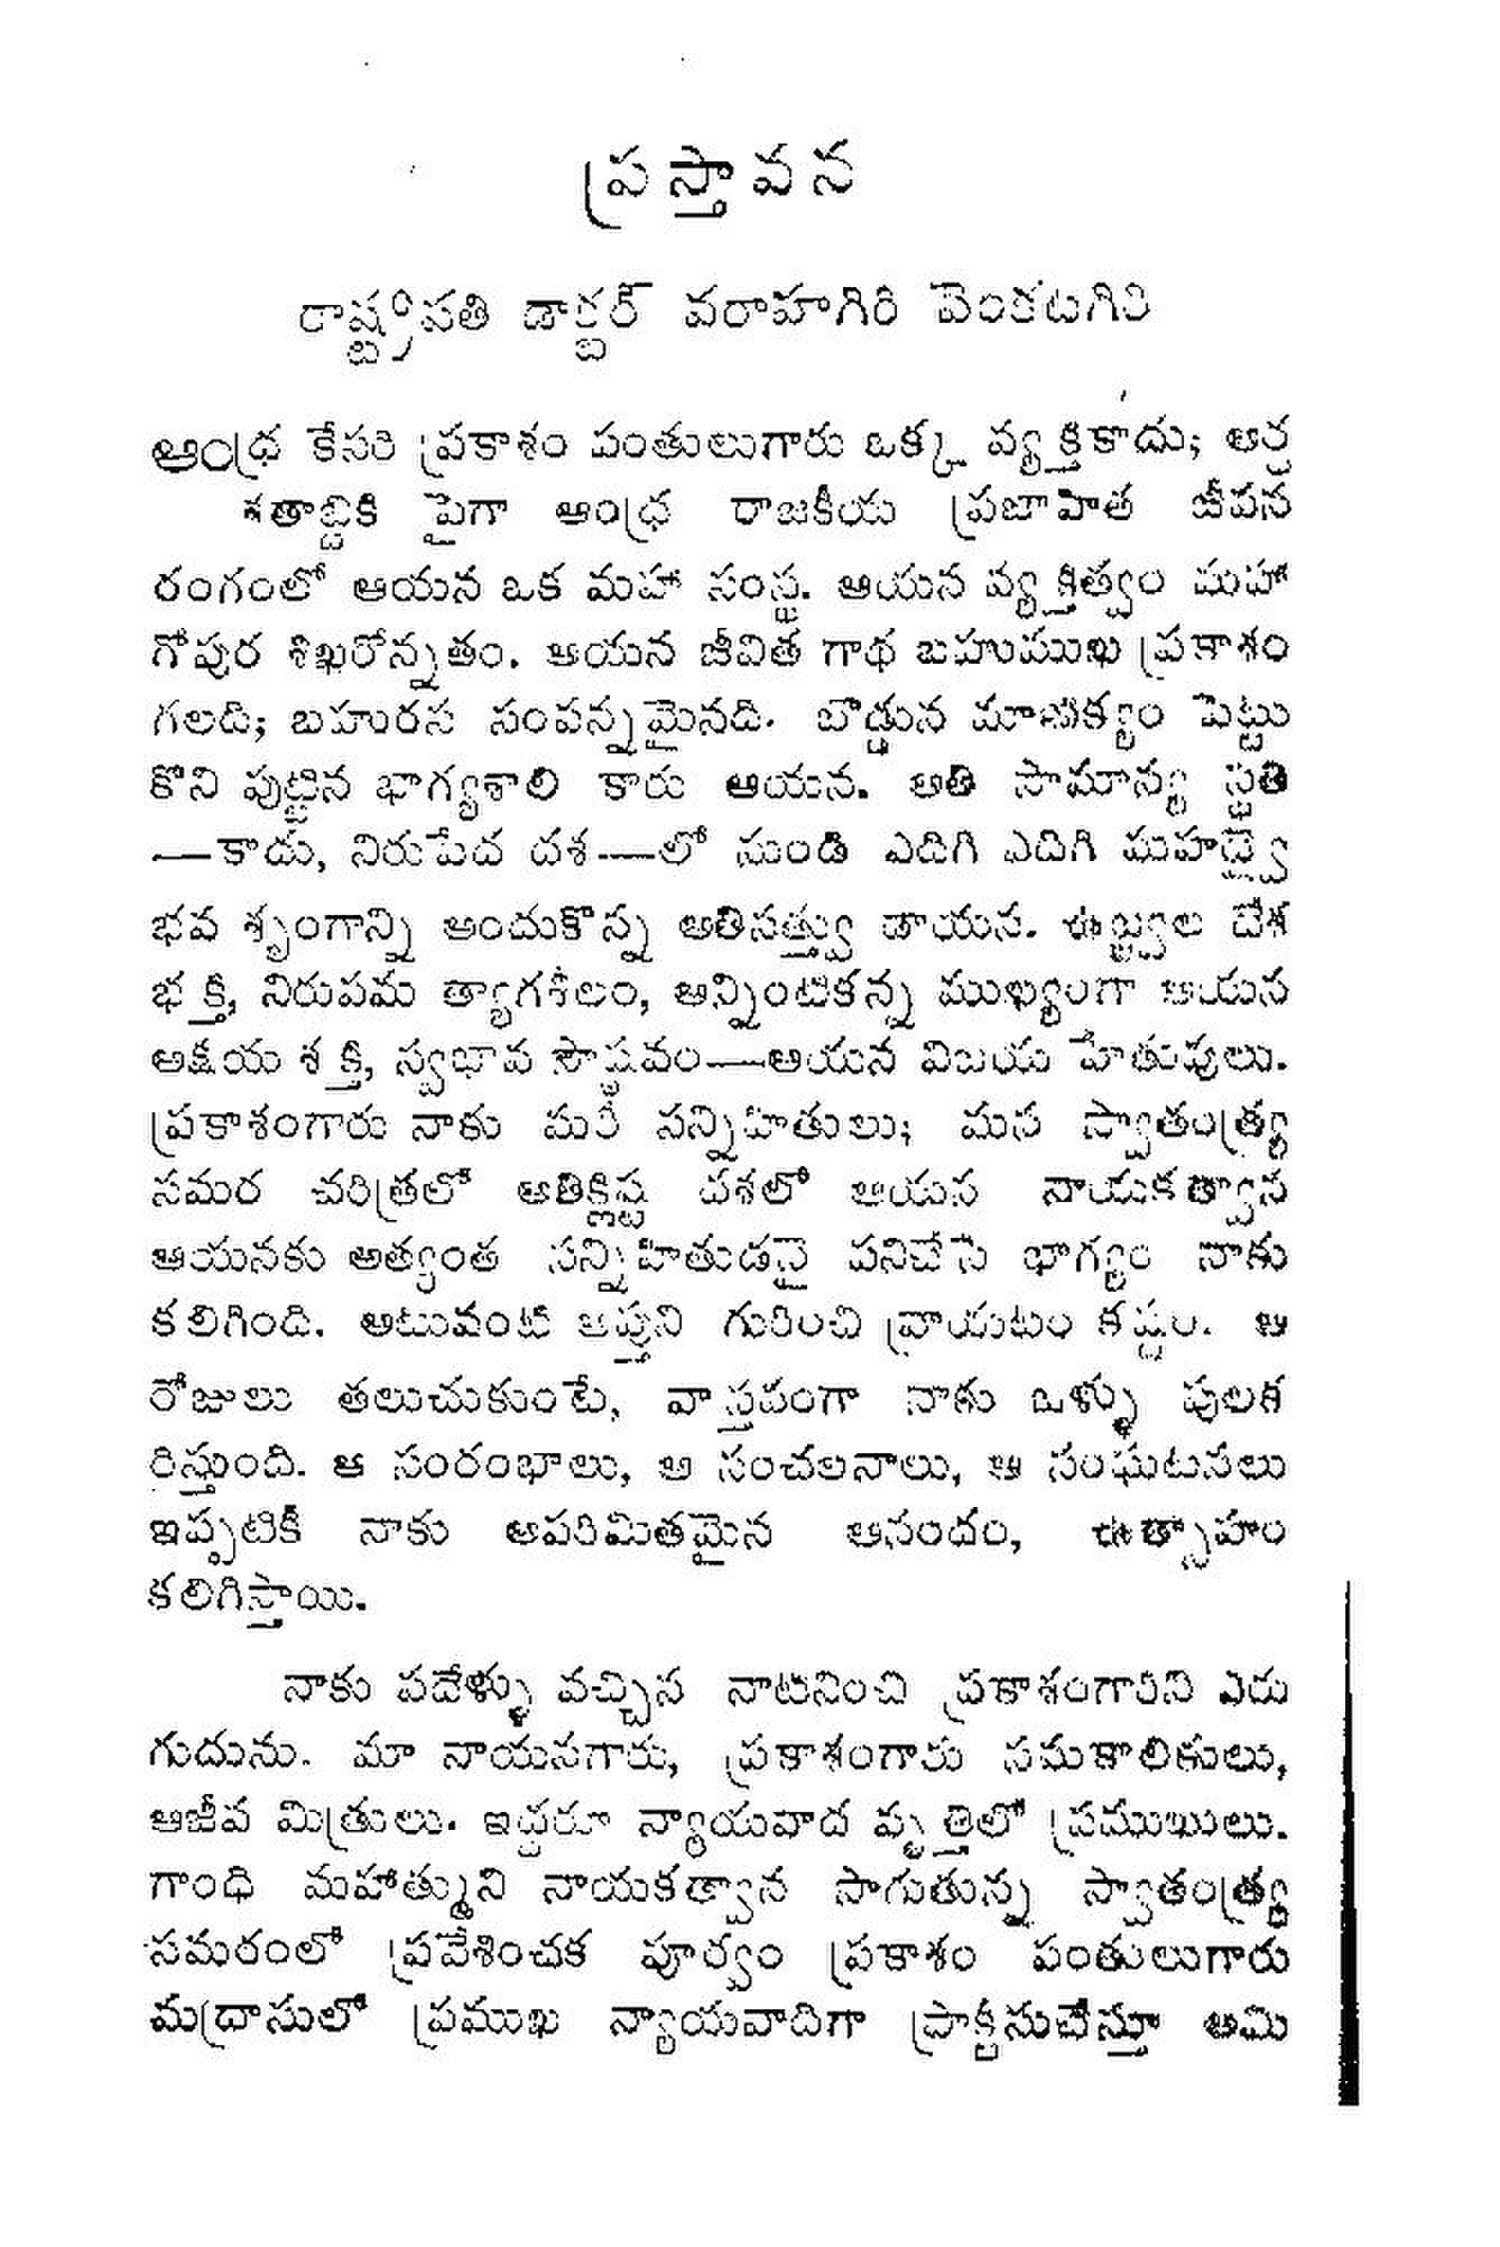ఆంధ్రకేసరి ప్రకాశం పంతులుగారు ఒక్క వ్యక్తి కాదు; అర్ధ శతాభ్దికి పైగా ఆంధ్ర రాజకీయ ప్రజాహిత జీవన రంగంలో ఆయన ఒక మహా సంస్థ. ఆయన వ్యక్తిత్వం మహా గోపుర శిఖరోన్నతం. ఆయన జీవిత గాథ బహుముఖ ప్రకాశం గలది; బహురస సంపన్నమైనది. బొడ్డున మాణిక్యం పెట్టుకొని పుట్టిన భాగ్యశాలి కారు ఆయన. అతి సామాన్య స్థితి - కాదు, నిరుపేద దశ -లో నుండి ఎదిగి ఎదిగి మహద్వైభవ శృంగాన్ని అందుకొన్న అతిసత్త్వుడాయన. ఉజ్జ్వల దేశ భక్తి, నిరుపమ త్యాగశీలం, అన్నింటికన్న ముఖ్యంగా ఆయన అక్షయ శక్తి, స్వభావ సౌష్టవం....ఆయన విజయ హేతువులు. ప్రకాశం గారు నాకు మరీ సన్నిహితులు; మన స్వాతంత్ర్య సమర చరిత్రలో అతిక్లిష్ట దశలో అయన నాయకత్వాన ఆయనకు అత్యంత సన్నిహితుడనై పనిచేసే భాగ్యం నాకు కలిగింది. అటువంటి ఆప్తుని గురించి వ్రాయటం కష్టం. ఆ రోజులు తలుచుకుంటే, వాస్తవంగా నాకు ఒళ్ళు పులకరిస్తుంది. ఆ సంరంభాలు, ఆ సంచలనాలు, ఆ సంఘటనలు ఇప్పటికీ నాకు అపరిమితమైన ఆనందం, ఉత్సాహం కలిగిస్తాయి.

నాకు పదేళ్ళు వచ్చిన నాటినుంచి ప్రకాశంగారిని ఎరుగుదును. మా నాయనగారు, ప్రకాశంగారు సమకాలికులు, ఆజీవ మిత్రులు, ఇద్దరూ న్యాయవాద వృత్తిలో ప్రముఖులు. గాంధి మహాత్ముని నాయకత్వాన సాగుతున్న స్వాతంత్ర్య సమరంలో ప్రవేశించక పూర్వం ప్రకాశం పంతులుగారు మద్రాసులో ప్రముఖ న్యాయవాదిగా ప్రాక్టీసుచేస్తూ అమి